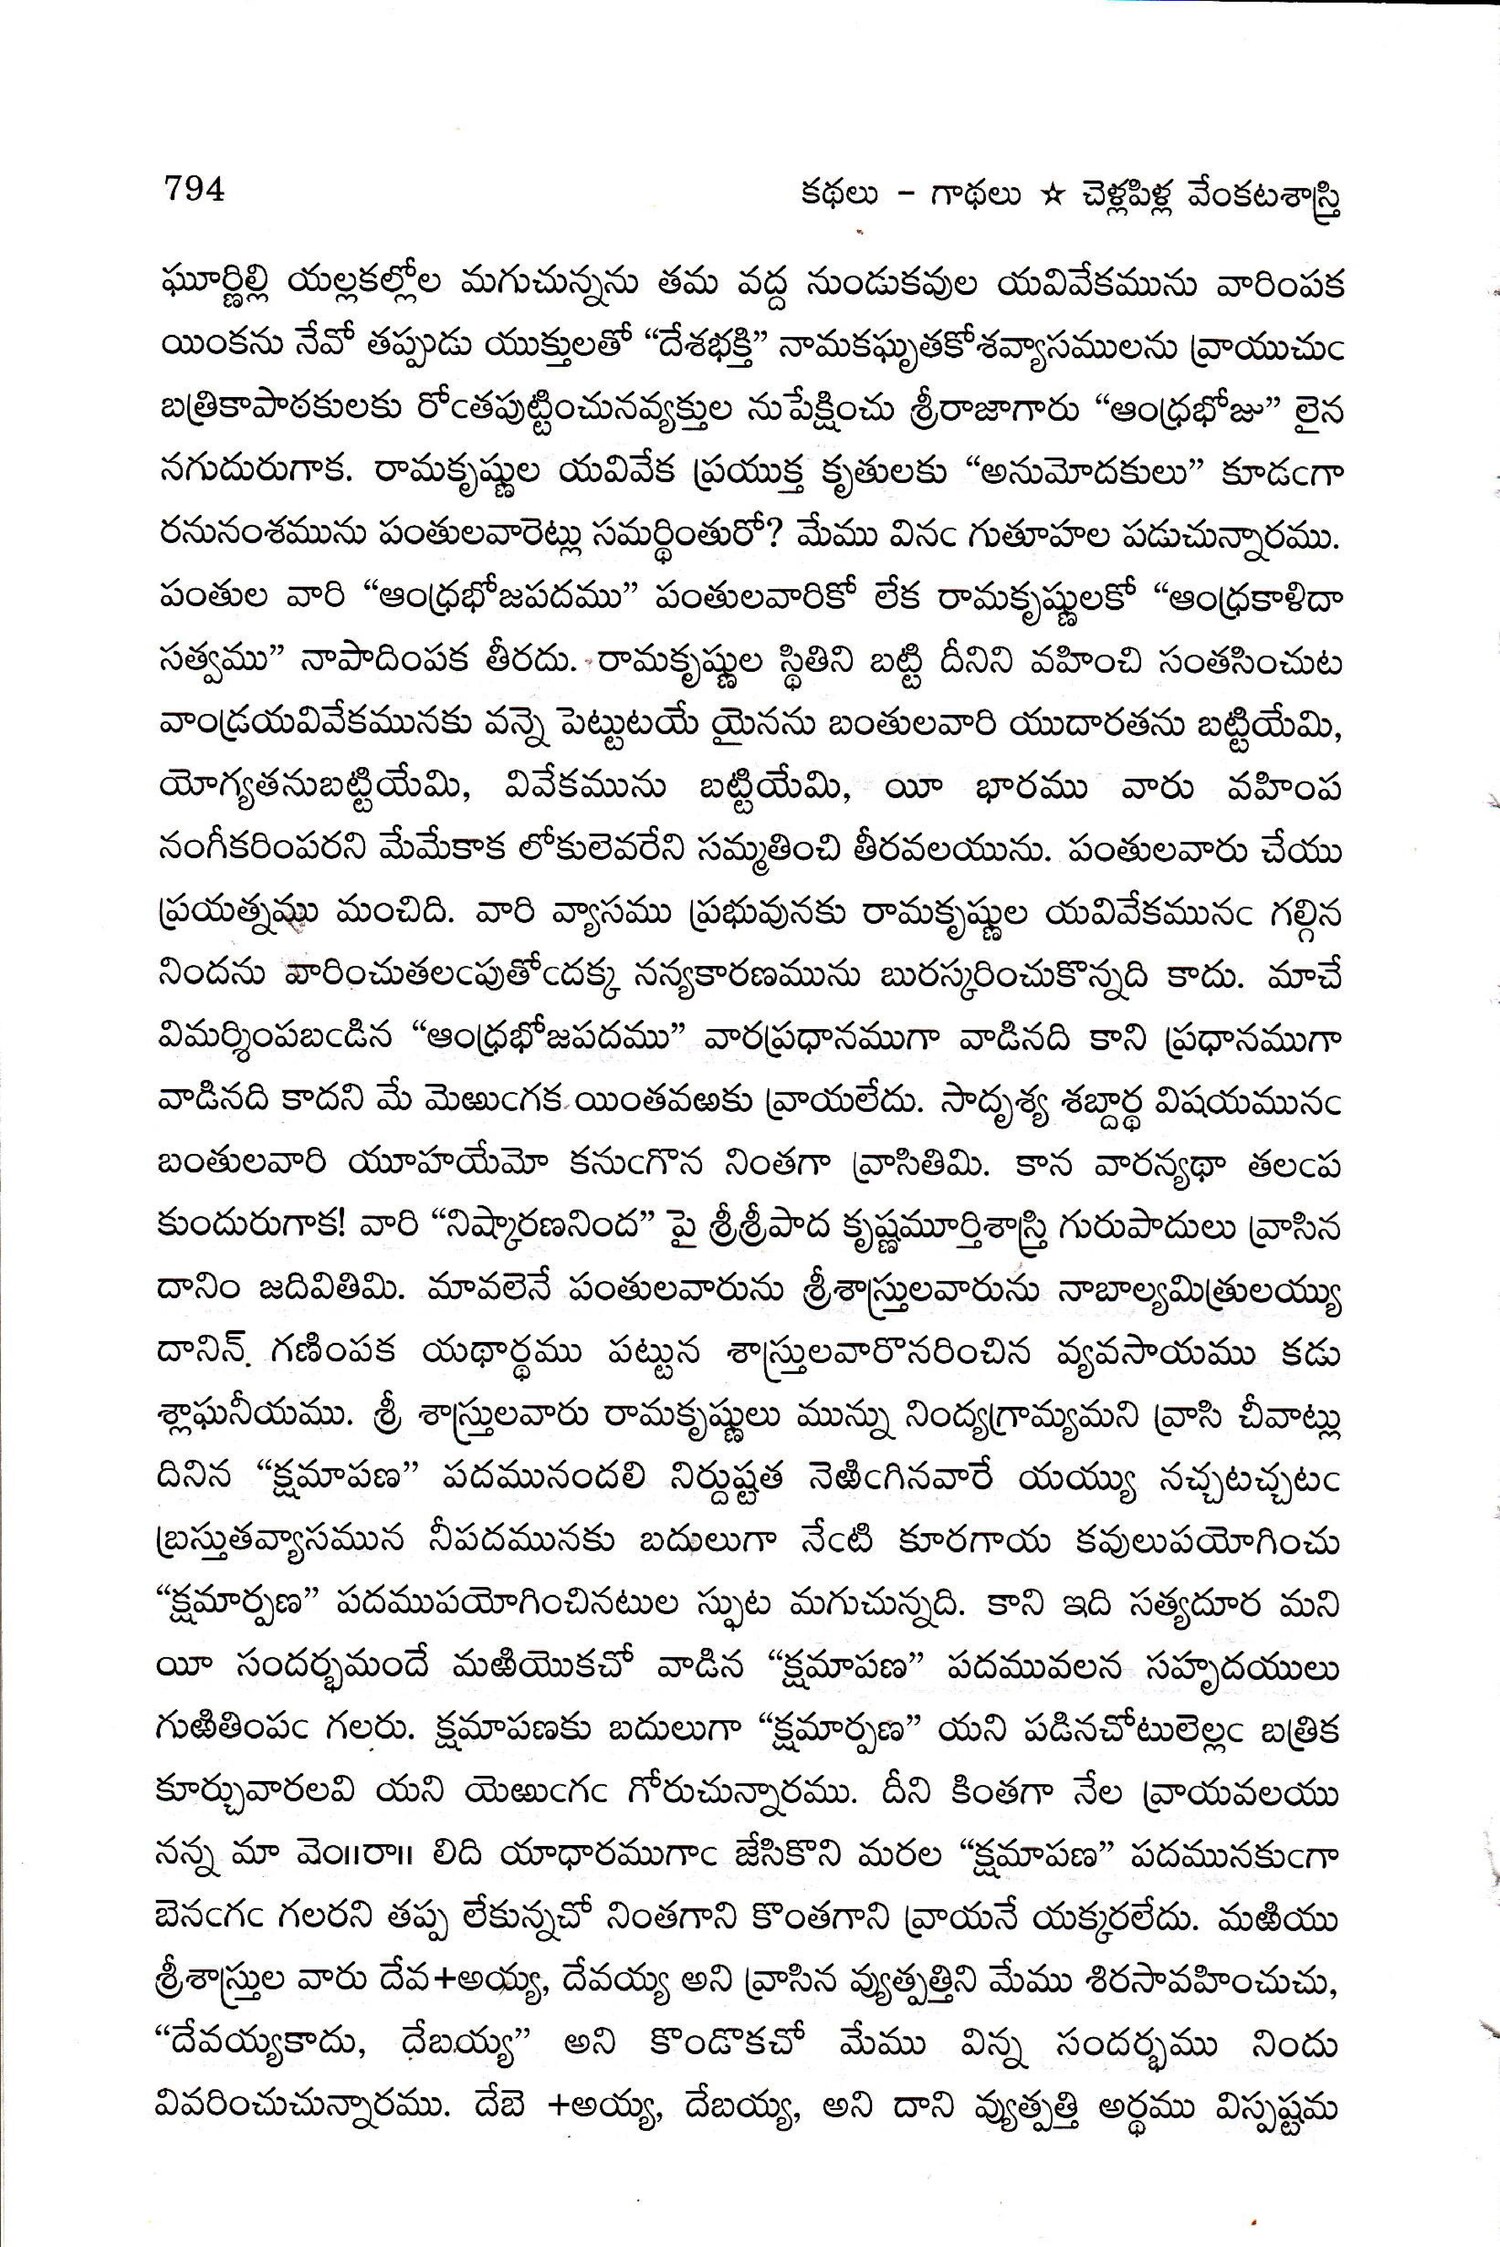ఘూర్ణిల్లి యల్లకల్లోల మగుచున్నను తమ వద్ద నుండుకవుల యవివేకమును వారింపక యింకను నేవో తప్పుడు యుక్తులతో “దేశభక్తి" నామకఘృతకోశవ్యాసములను వ్రాయుచుఁ బత్రికాపాఠకులకు రోఁతపుట్టించునవ్యక్తుల నుపేక్షించు శ్రీరాజాగారు "ఆంధ్రభోజు" లైన నగుదురుగాక. రామకృష్ణుల యవివేక ప్రయుక్త కృతులకు “అనుమోదకులు" కూడఁగా రనునంశమును పంతులవారెట్లు సమర్థింతురో? మేము వినఁ గుతూహల పడుచున్నారము. పంతుల వారి “ఆంధ్రభోజపదము” పంతులవారికో లేక రామకృష్ణులకో “ఆంధ్రకాళిదాసత్వము" నాపాదింపక తీరదు. రామకృష్ణుల స్థితిని బట్టి దీనిని వహించి సంతసించుట వాండ్రయవివేకమునకు వన్నె పెట్టుటయే యైనను బంతులవారి యుదారతను బట్టియేమి, యోగ్యతనుబట్టియేమి, వివేకమును బట్టియేమి, యీ భారము వారు వహింప నంగీకరింపరని మేమేకాక లోకులెవరేని సమ్మతించి తీరవలయును. పంతులవారు చేయు ప్రయత్నము మంచిది. వారి వ్యాసము ప్రభువునకు రామకృష్ణుల యవివేకమునఁ గల్గిన నిందను వారించుతలఁపుతోఁదక్క నన్యకారణమును బురస్కరించుకొన్నది కాదు. మాచే విమర్శింపబఁడిన “ఆంధ్రభోజపదము” వారప్రధానముగా వాడినది కాని ప్రధానముగా వాడినది కాదని మే మెఱుఁగక యింతవఱకు వ్రాయలేదు. సాదృశ్య శబ్దార్థ విషయమునఁ బంతులవారి యూహయేమో కనుఁగొన నింతగా వ్రాసితిమి. కాన వారన్యథా తలఁప కుందురుగాక! వారి “నిష్కారణనింద" పై శ్రీశ్రీపాద కృష్ణమూర్తిశాస్త్రి గురుపాదులు వ్రాసిన దానిం జదివితిమి. మావలెనే పంతులవారును శ్రీశాస్త్రులవారును నాబాల్యమిత్రులయ్యు దానిన్ గణింపక యథార్థము పట్టున శాస్త్రులవారొనరించిన వ్యవసాయము కడు శ్లాఘనీయము. శ్రీ శాస్త్రులవారు రామకృష్ణులు మున్ను నింద్యగ్రామ్యమని వ్రాసి చీవాట్లు దినిన “క్షమాపణ" పదమునందలి నిర్దుష్టత నెఱిఁగినవారే యయ్యు నచ్చటచ్చటఁ బ్రస్తుతవ్యాసమున నీపదమునకు బదులుగా నేఁటి కూరగాయ కవులుపయోగించు "క్షమార్పణ" పదముపయోగించినటుల స్ఫుట మగుచున్నది. కాని ఇది సత్యదూర మని యీ సందర్భమందే మఱియొకచో వాడిన “క్షమాపణ" పదమువలన సహృదయులు గుణితింపఁ గలరు. క్షమాపణకు బదులుగా “క్షమార్పణ" యని పడినచోటులెల్లఁ బత్రిక కూర్చువారలవి యని యెఱుఁగఁ గోరుచున్నారము. దీని కింతగా నేల వ్రాయవలయు నన్న మా వెం||రా|| లిది యాధారముగాఁ జేసికొని మరల “క్షమాపణ" పదమునకుఁగా బెనఁగఁ గలరని తప్ప లేకున్నచో నింతగాని కొంతగాని వ్రాయనే యక్కరలేదు. మఱియు శ్రీశాస్త్రుల వారు దేవ +అయ్య, దేవయ్య అని వ్రాసిన వ్యుత్పత్తిని మేము శిరసావహించుచు, “దేవయ్యకాదు, దేబయ్య అని కొండొకచో మేము విన్న సందర్భము నిందు వివరించుచున్నారము. దేబె +అయ్య, దేబయ్య, అని దాని వ్యుత్పత్తి అర్థము విస్పష్టమ